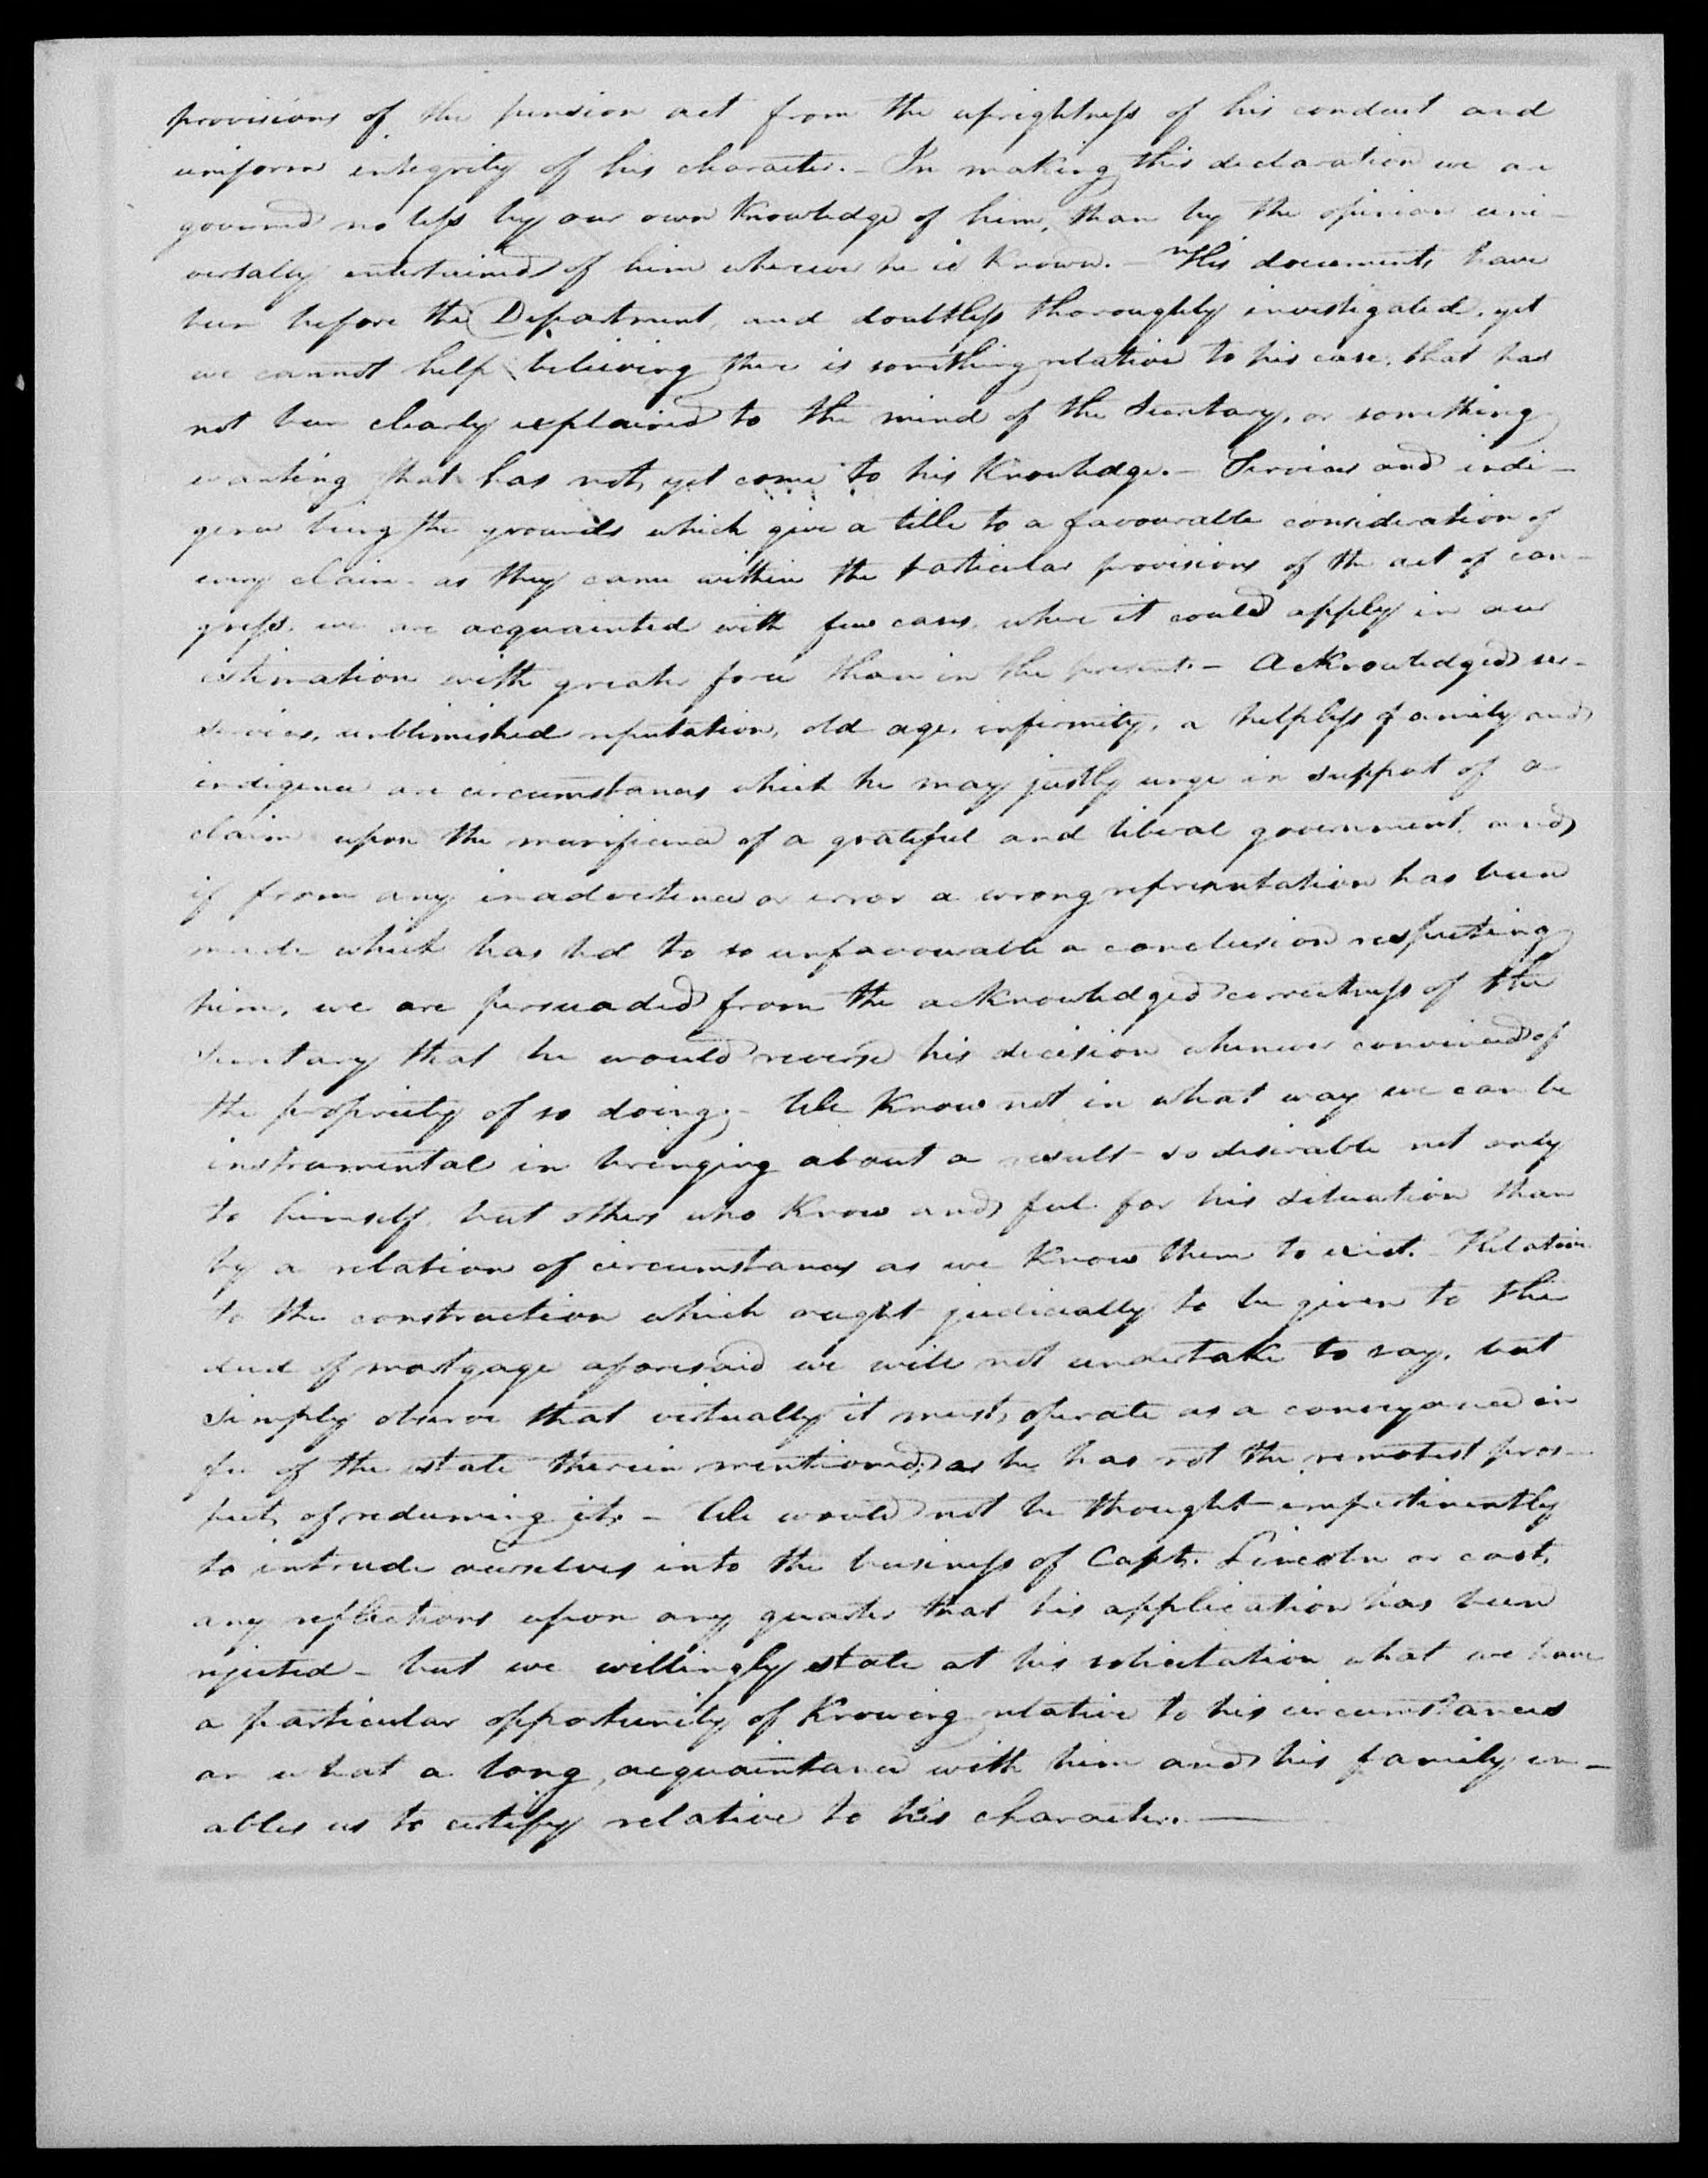provisions of the pension act from the uprightness of his conduct and uniform integrity of his character. In making this declaration we are governed no less by our own knowledge of him, than by the opinion
universally entertained of him wherever he is known. His documents have been before the Department, and doubtless thoroughly investigated yet we cannot help believing there is something relative to his case, that has
not been clearly explained to the mind of the Secretary, or something lacking that has not yet come to his knowledge. Services and 
indigence being the grounds which give a title to a favourable consideration of every claim as they come within the particular provisions of the act of congress, we are acquainted with few cases, where it would apply in our
estimation with greater force than in the present. Acknowledged service, unblemished reputation, old age, infirmity, a helpless family and indigence are circumstances which he may justly urge in support of a claim upon the munificence of a grateful and liberal government and if from any inadvertence or error a wrong representation has been made
which has led to so unfavorable a conclusion respecting him, we are persuaded from the acknowledged correctness of the Secretary that he would reverse his decision whenever convinced of the propriety of so doing. We know not in what way we can be
instrumental in bringing about a result so desirable not only to himself but others who know and feel for his situation than by a relation of circumstances as we know them to exist. Relative to the construction which ought judicially to be given to the deed of mortgage aforesaid we will not undertake to say, but
simply observe that virtually it must, operate as a conveyance in fee of the estate therein mentioned, as he has not the remotest possibility of redeeming it.-- We would not be thought impertinently to intrude ourselves into the business of Capt. Lincoln or cast any reflections upon any quarter that his application has been rejected-- but we willingly state at his solicitation that we have
a particular opportunity of knowing relative to his circumstances on what a long acquaintance with him and his family enables us to certify relative to his character.--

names: [BLANK] Lincoln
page: 40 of 82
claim: widow's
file: W. 13,634, for Rufus Lincoln, Massachusetts